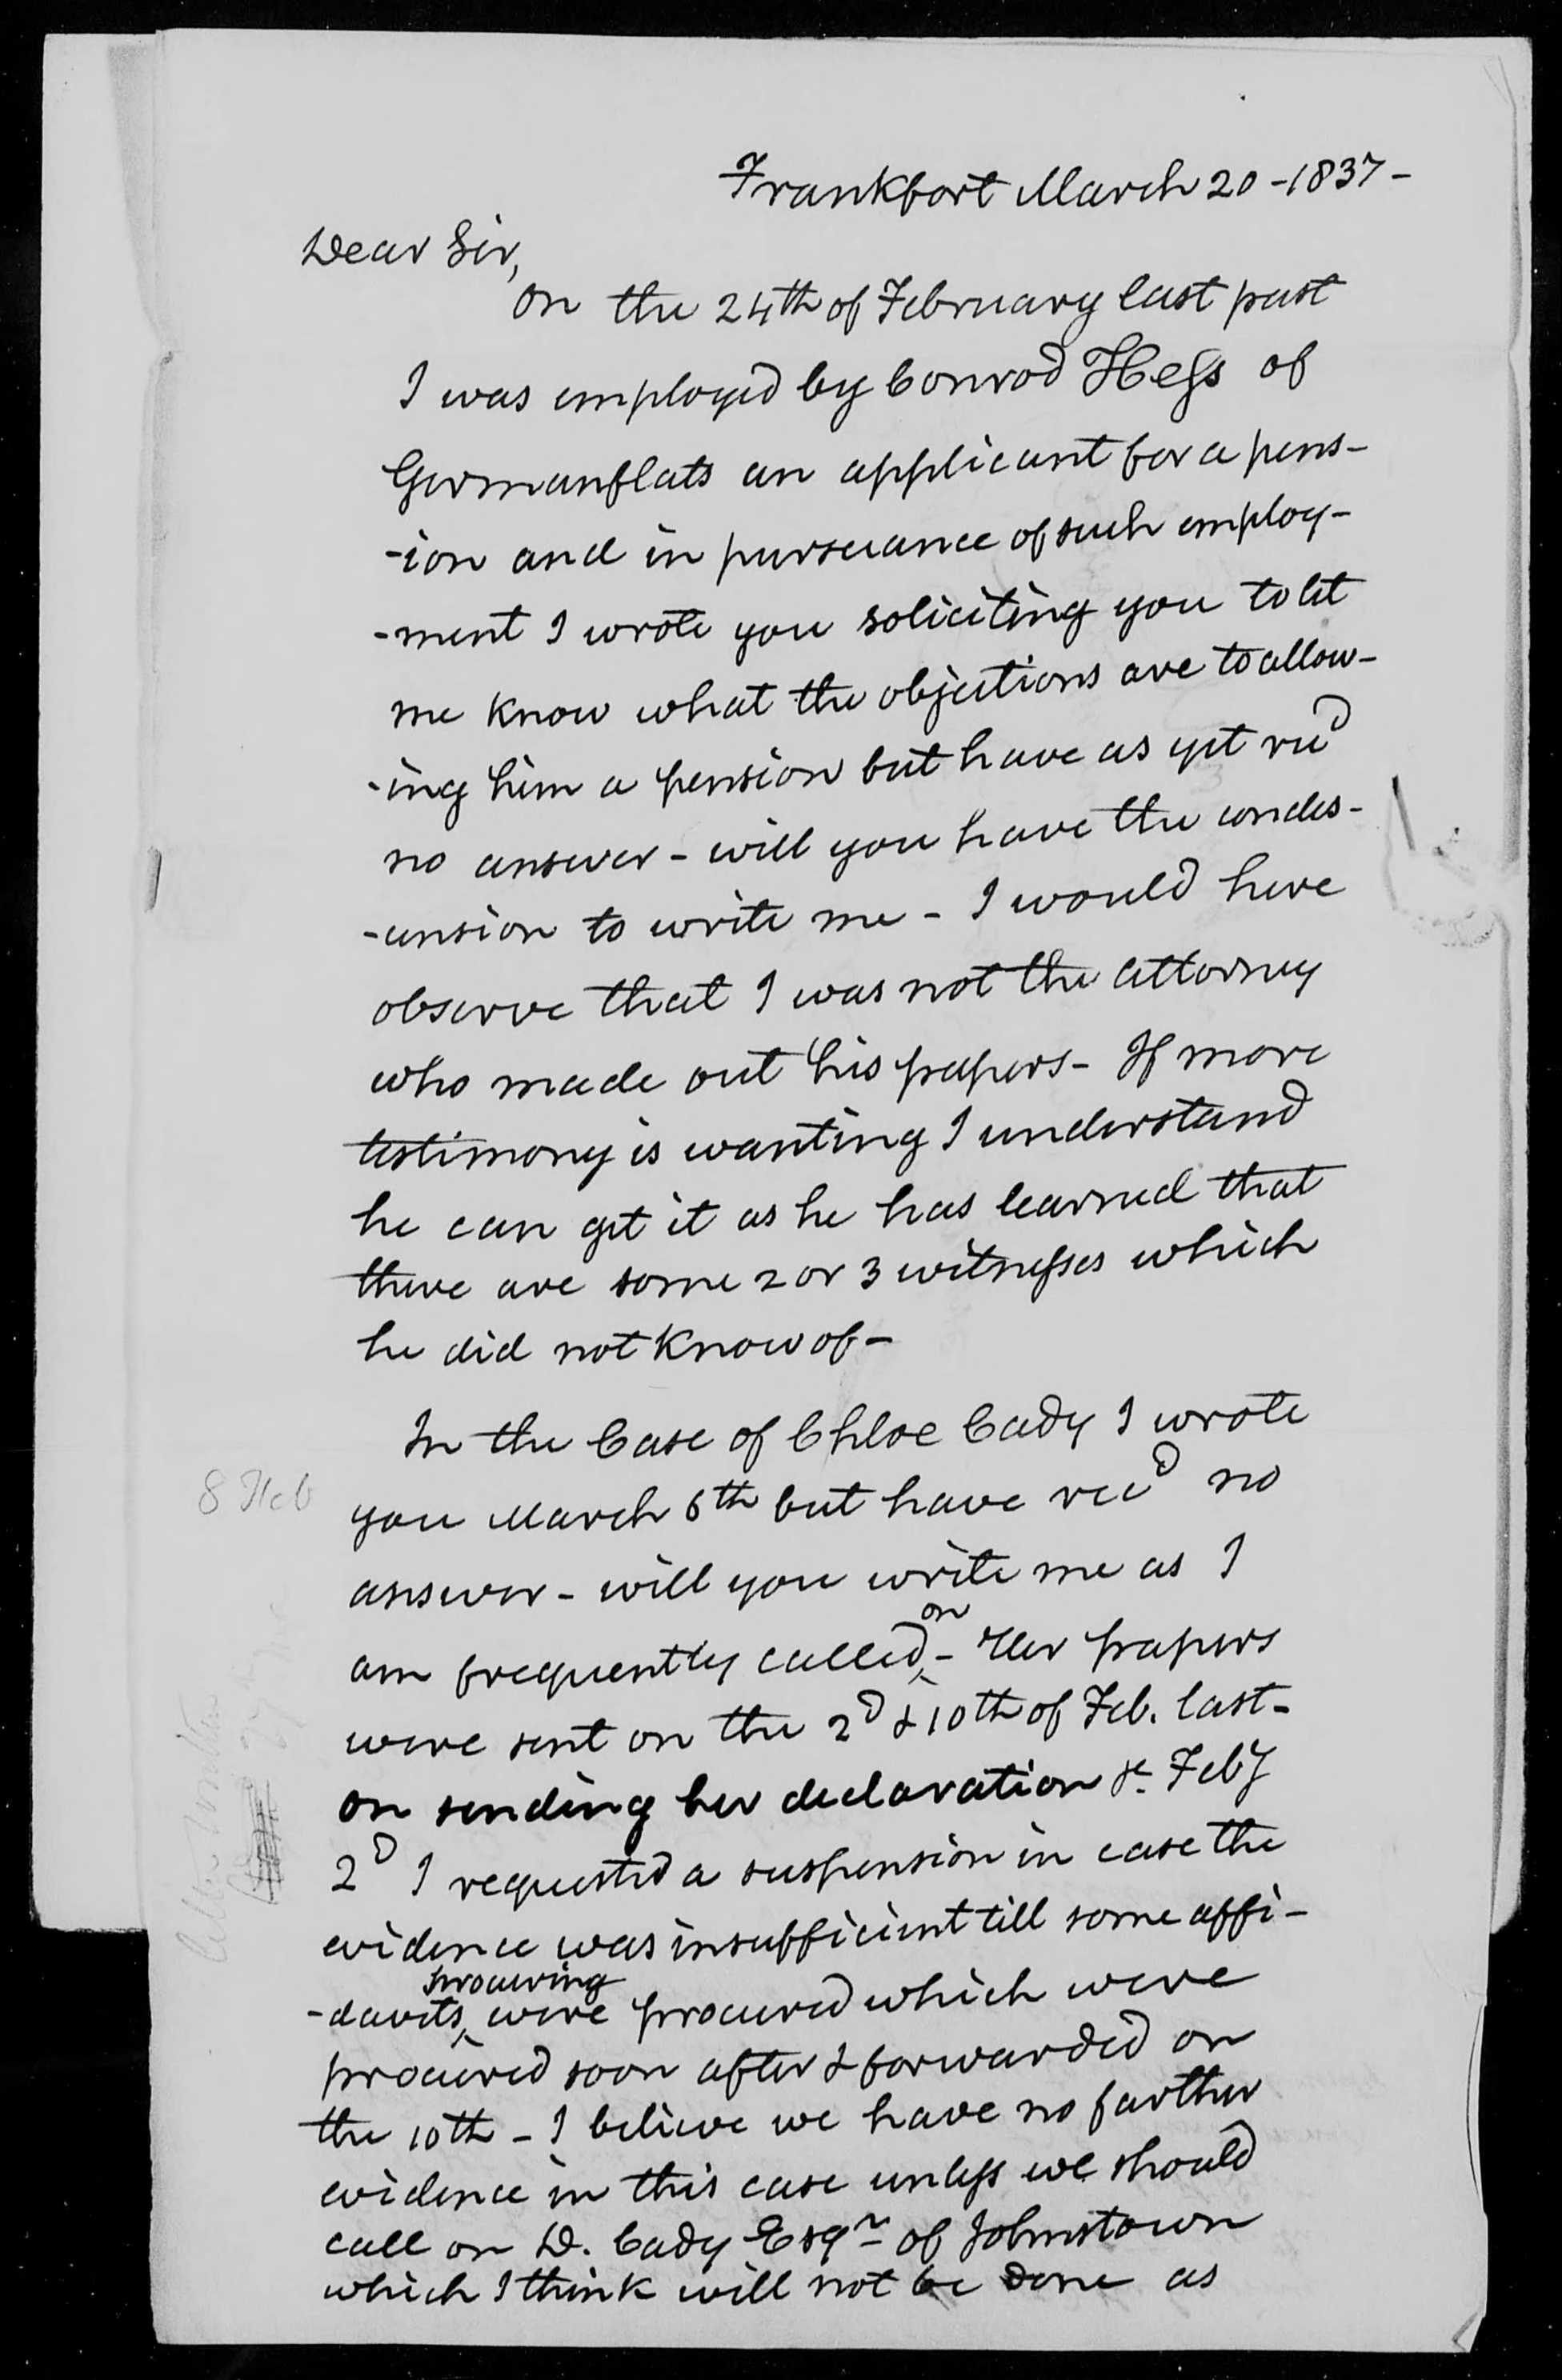[handwritten]

Frankfort March 20 -1837 -
Dear Sir,
On the 24th of February last past I was employed by Conrad Hess of Germanflats an applicant for a pension and in pursuance of such employment I wrote you soliciting you to let me know what the objections are to allowing him a pension but have as yet recd. no answer - will you have the [?]unsion to write me - I would here observe that I was not the attorney who made out his papers - If more testimony is  wanting I understand he can get it as he has learned that there are some 2 or 3 witnesses which he did not know of -
In the case of Chloe Cady I wrote you March 6th but have recd. no answer - will you write me as I am frequently called ^[insert] on - The papers were out on the 2nd & 10th of Feb. last -
on sending her declaration &c. Feby 2nd I requested a suspension in case the evidence was insufficient till some affidavits ^[insert] [?] were procured which were procured soon after & forwarded on the 10th - I believe we have no further evidence in this case unless we should call on D. Cady Esqr - of Johnstown which I think will not be done as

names: D Cady, Conrod Hess, Chloe Cady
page: 26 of 30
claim: rejected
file: R. 4927, Conrad Hess, New York